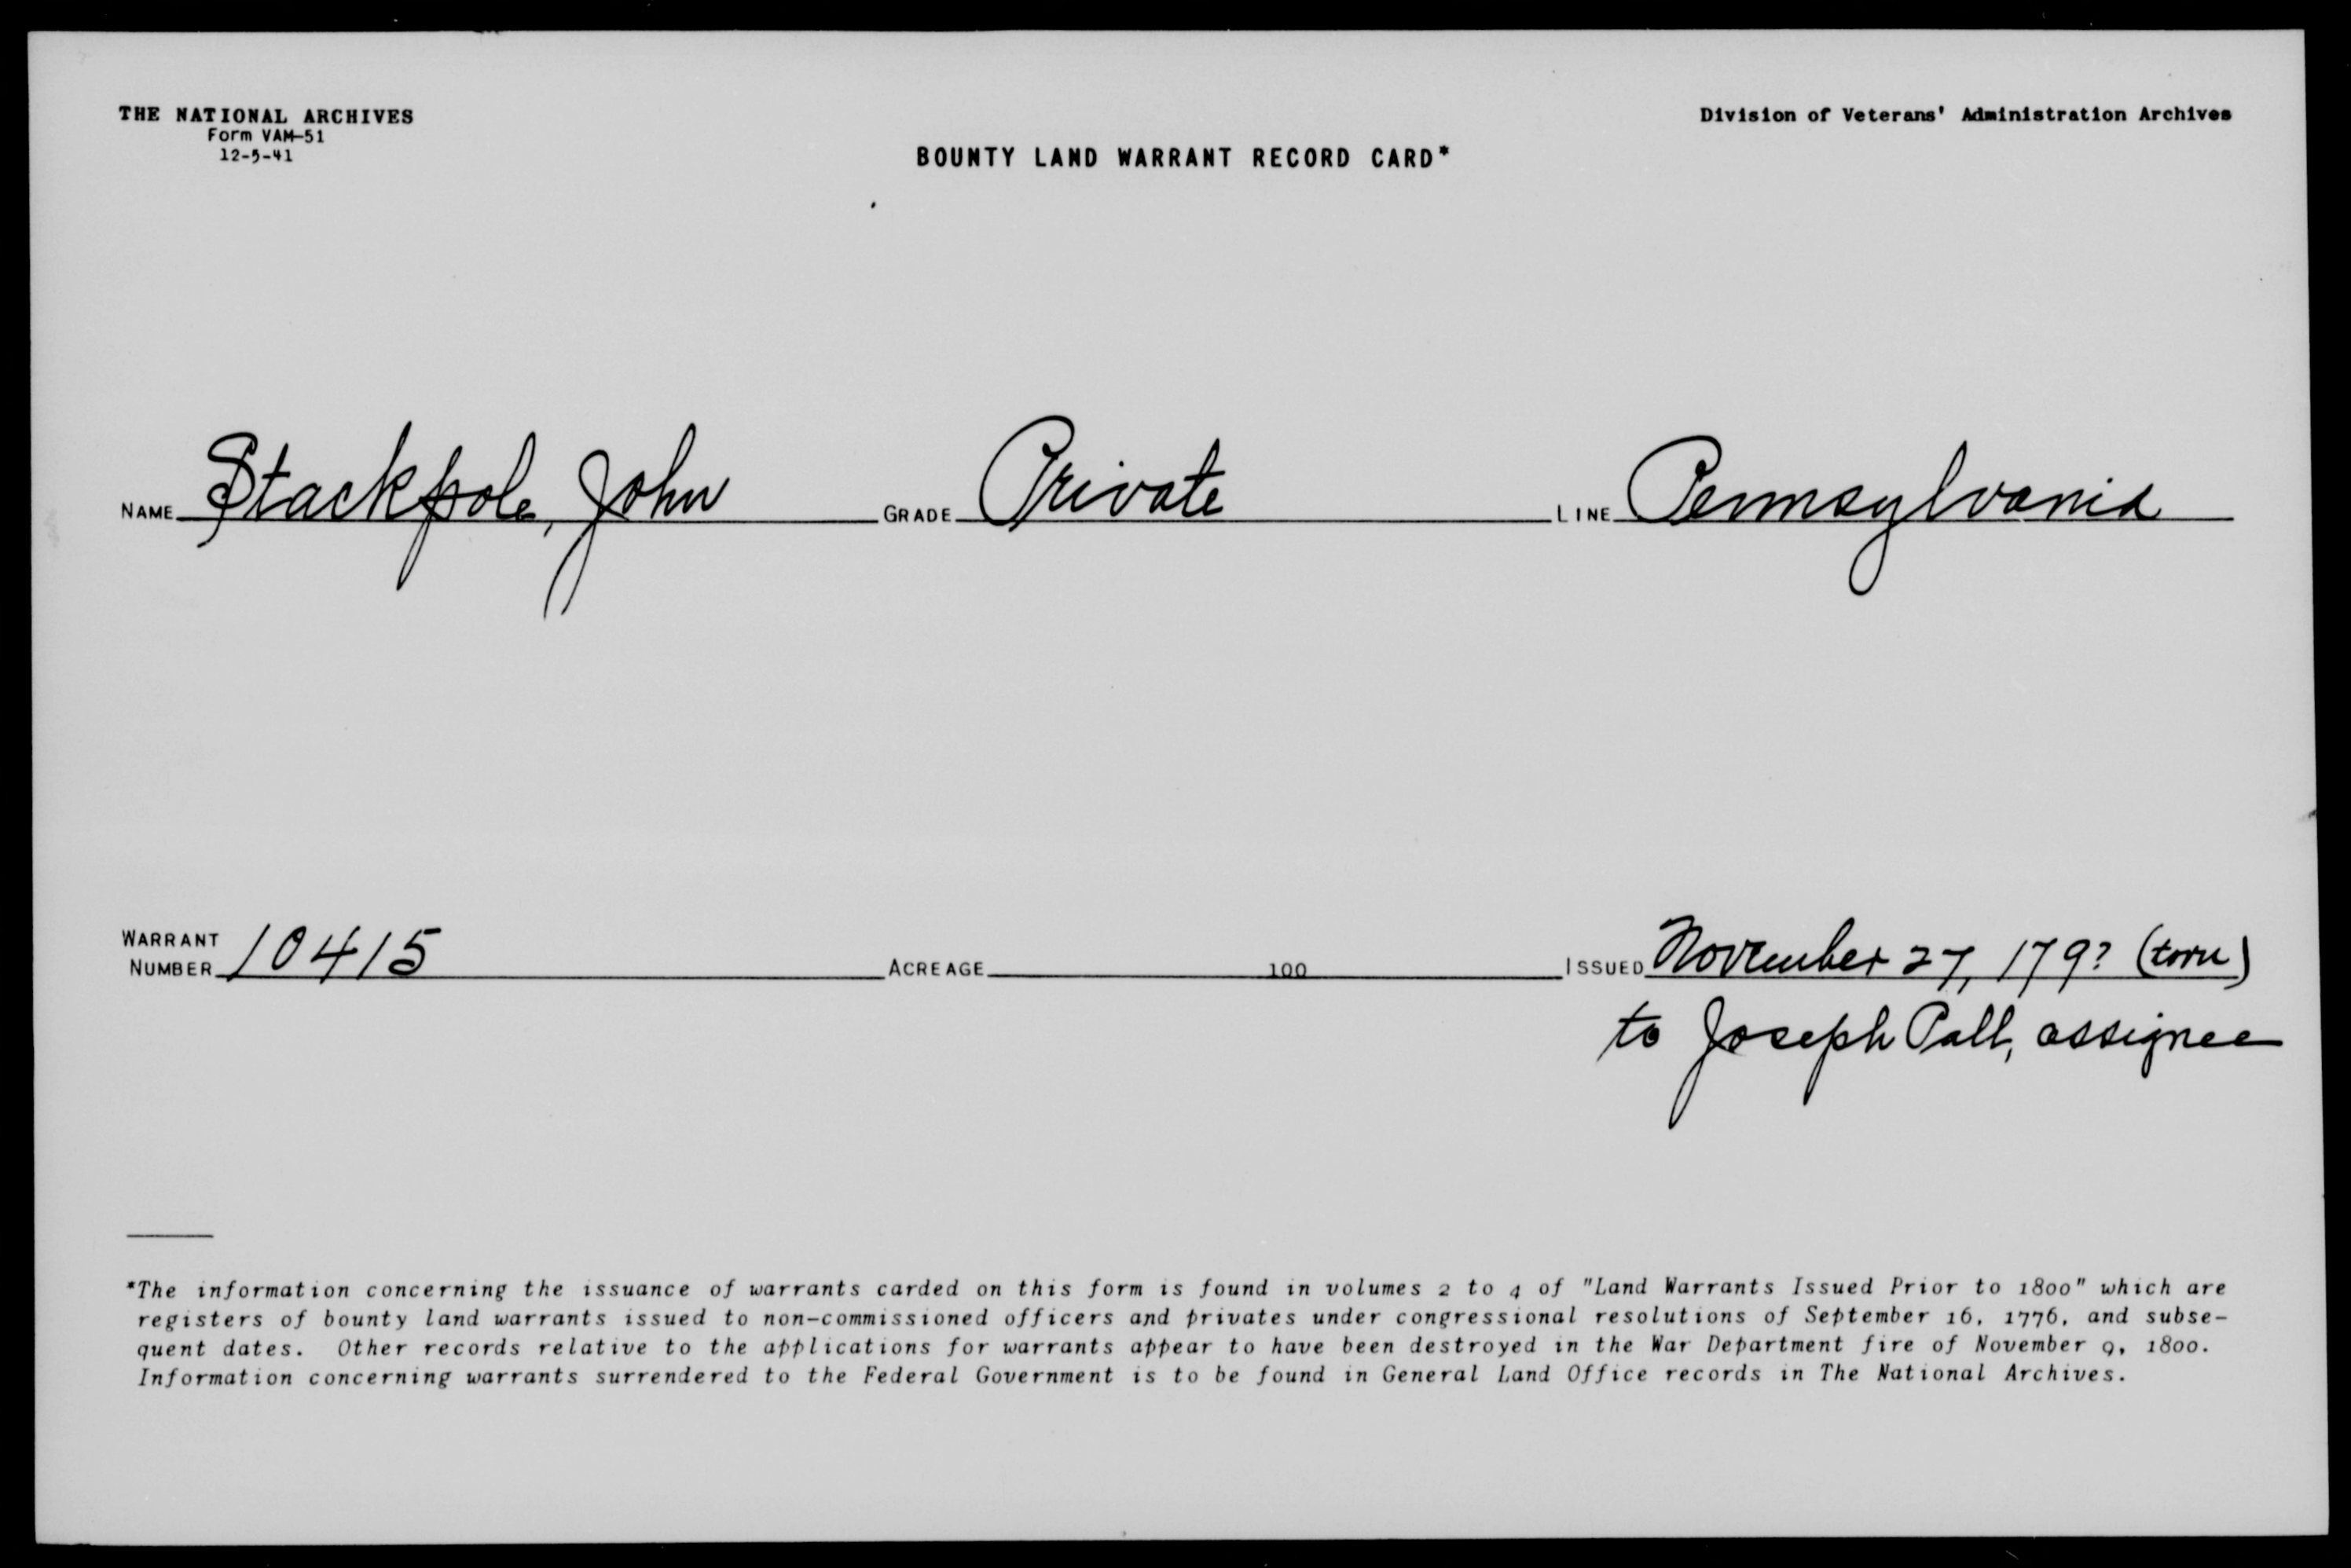THE NATIONAL ARCHIVES Division of Veterans' Administration Archives
Form VAM-51 BOUNTY LAND WARRANT RECORD CARD*
12-5-41
NAME Stackpole, John GRADE Private LINE Pennsylvania
WARRANT NUMBER 10415 ACREAGE 100 ISSUED November 27, 179? (torn)
to Joseph Pall, assignee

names: Joseph Pall; John Stackpole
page: 19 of 19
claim: survivor's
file: S. 38,409, for John Stackhouse, Virginia